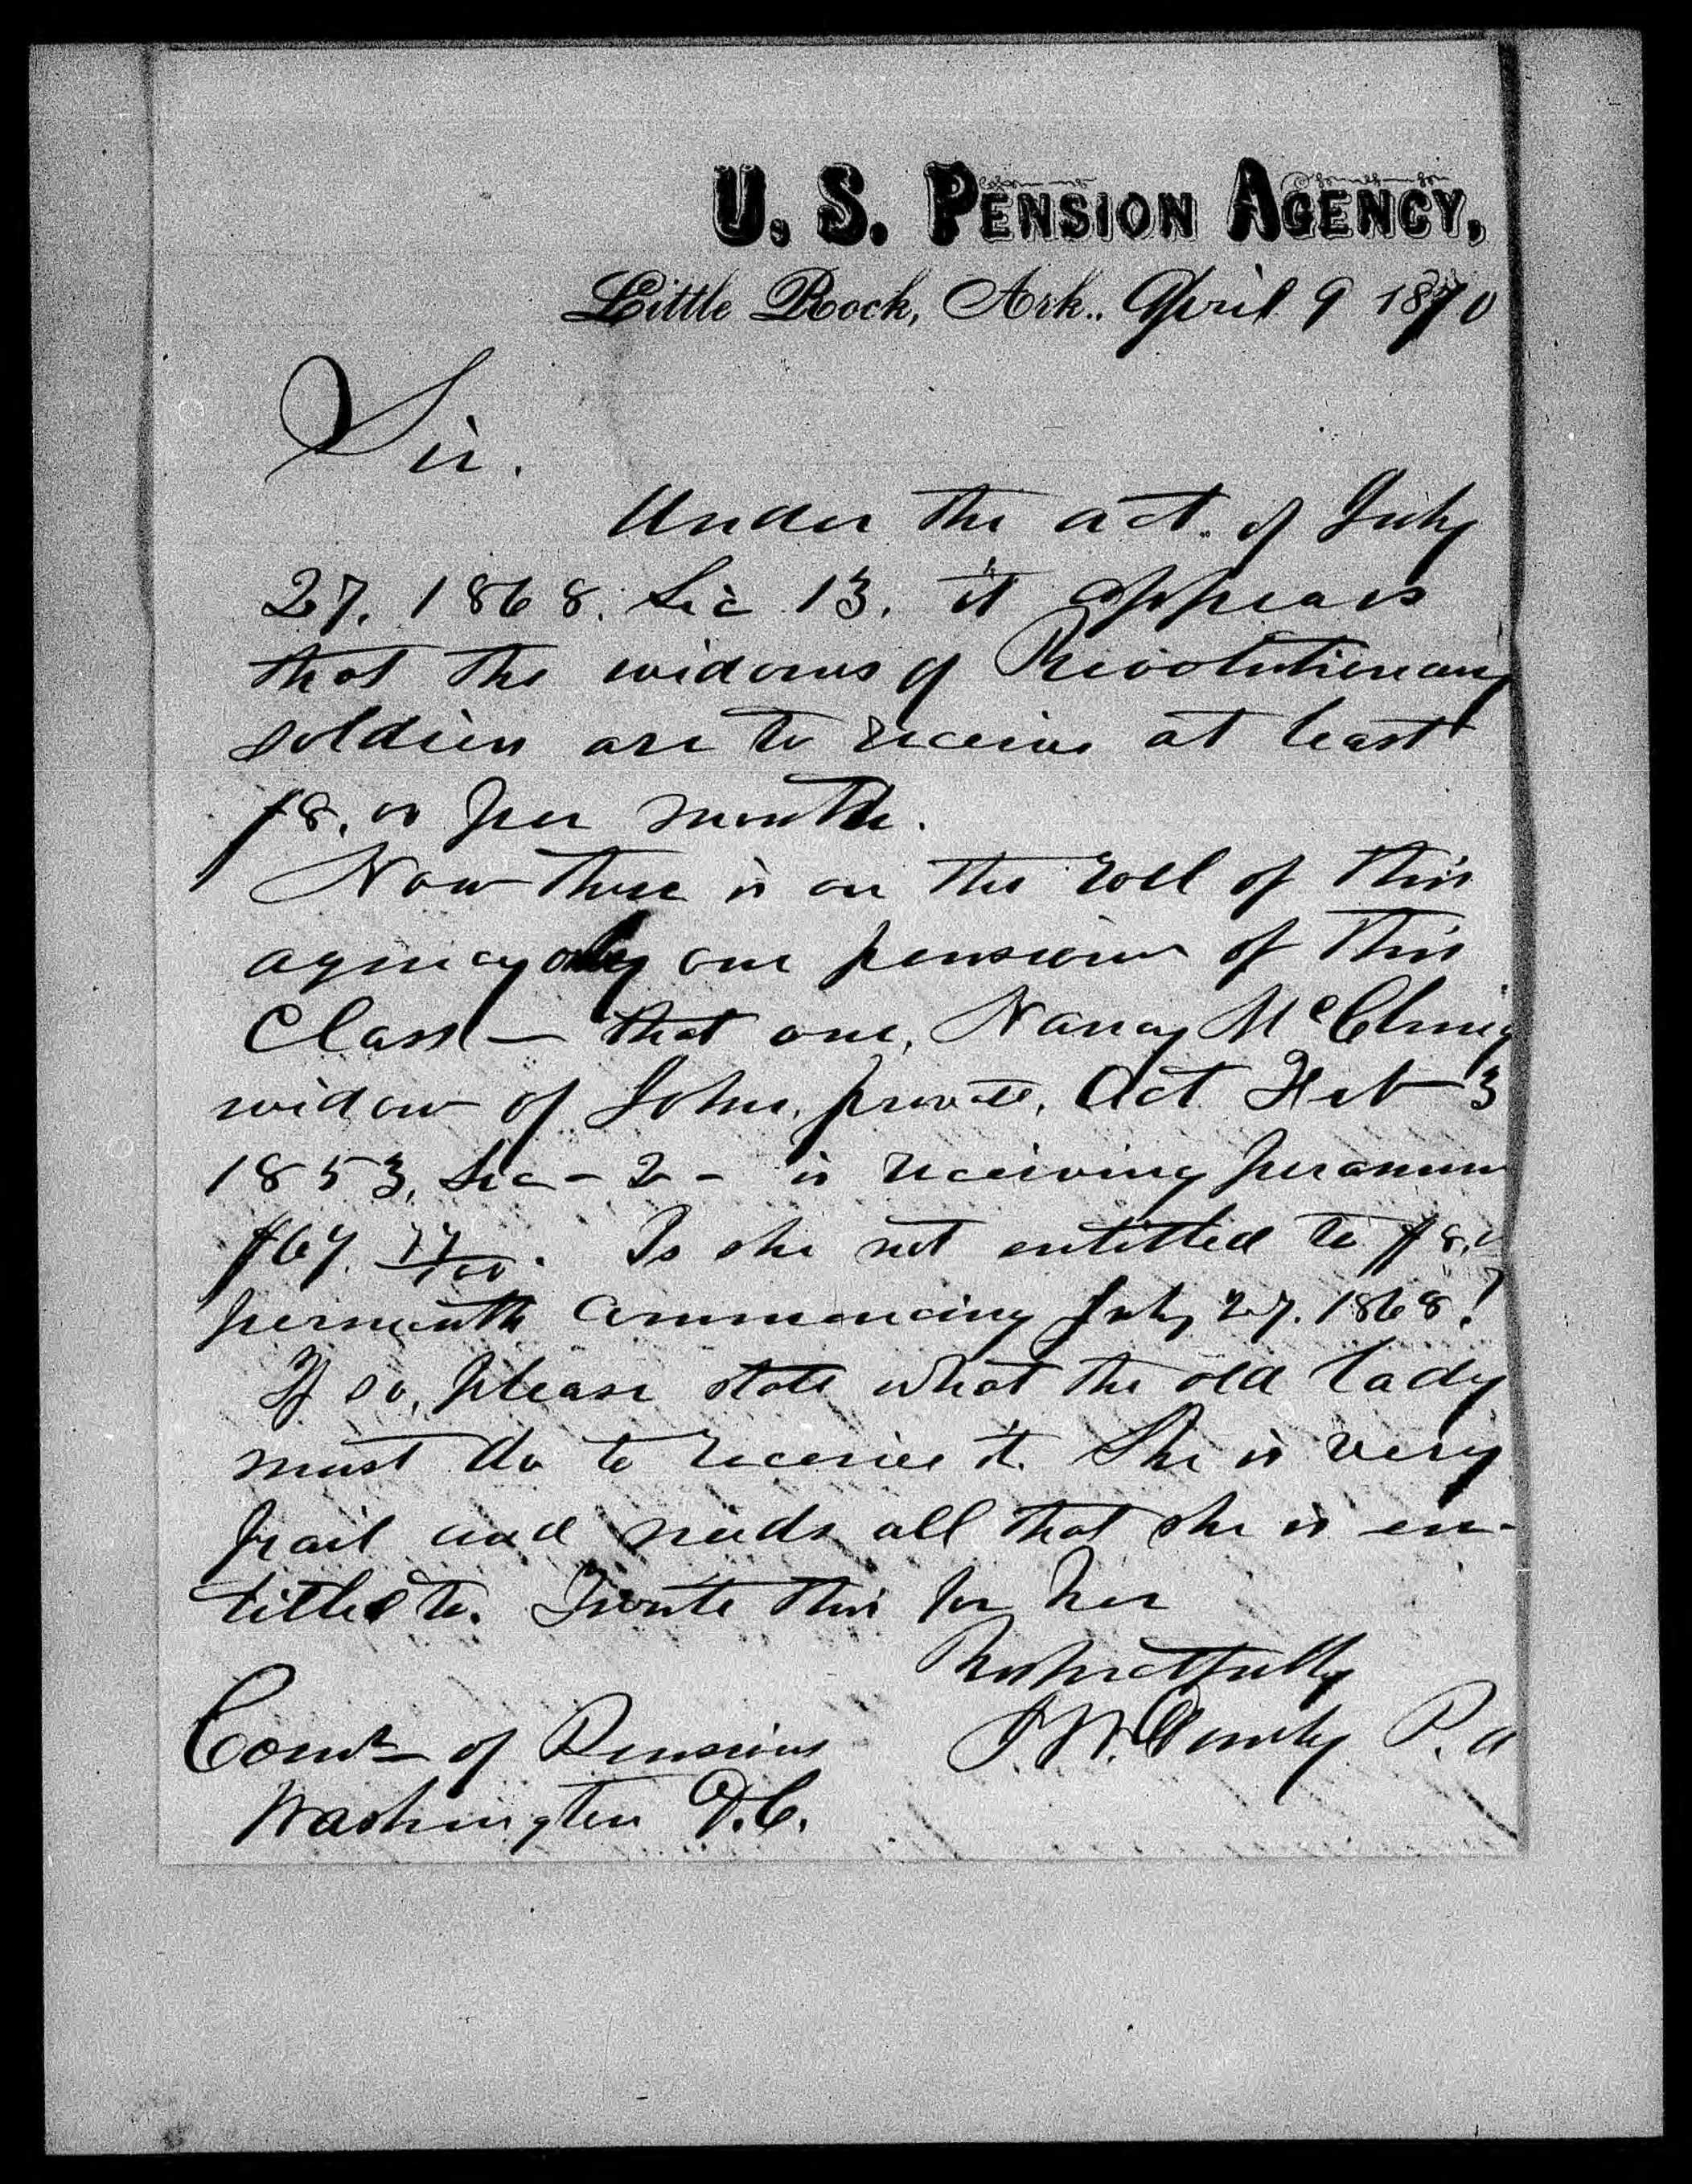U. S. PENSION AGENCY
Little Rock, Ark. April 9 1870
Sir, 
under the act of July 27, 1868. Sec 13, it appears that the widows of Revolutionary soldiers are to receive at least $8.00 per month

Now there is on the roll of this agency only one pensioner of this Class, that one, Nancy McClung
widow of John Private Act Feb 3 1853 Sec -2 - is receiving per annum $67.77.  Is she not entitled to $8
per month commencing July 27, 1868. If so, please state what the old lady must do to receive it. She is very frail and needs all that she is intitled to. I write this for her.

Respectfully
J.W. Gurdy P.A.

Comr of Pensions
Washington D.C.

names: John [BLANK]; Nancy Mc Clung; J W Gurdy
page: 82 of 115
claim: widow's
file: W. 1446, for John Mc Clung, South Carolina